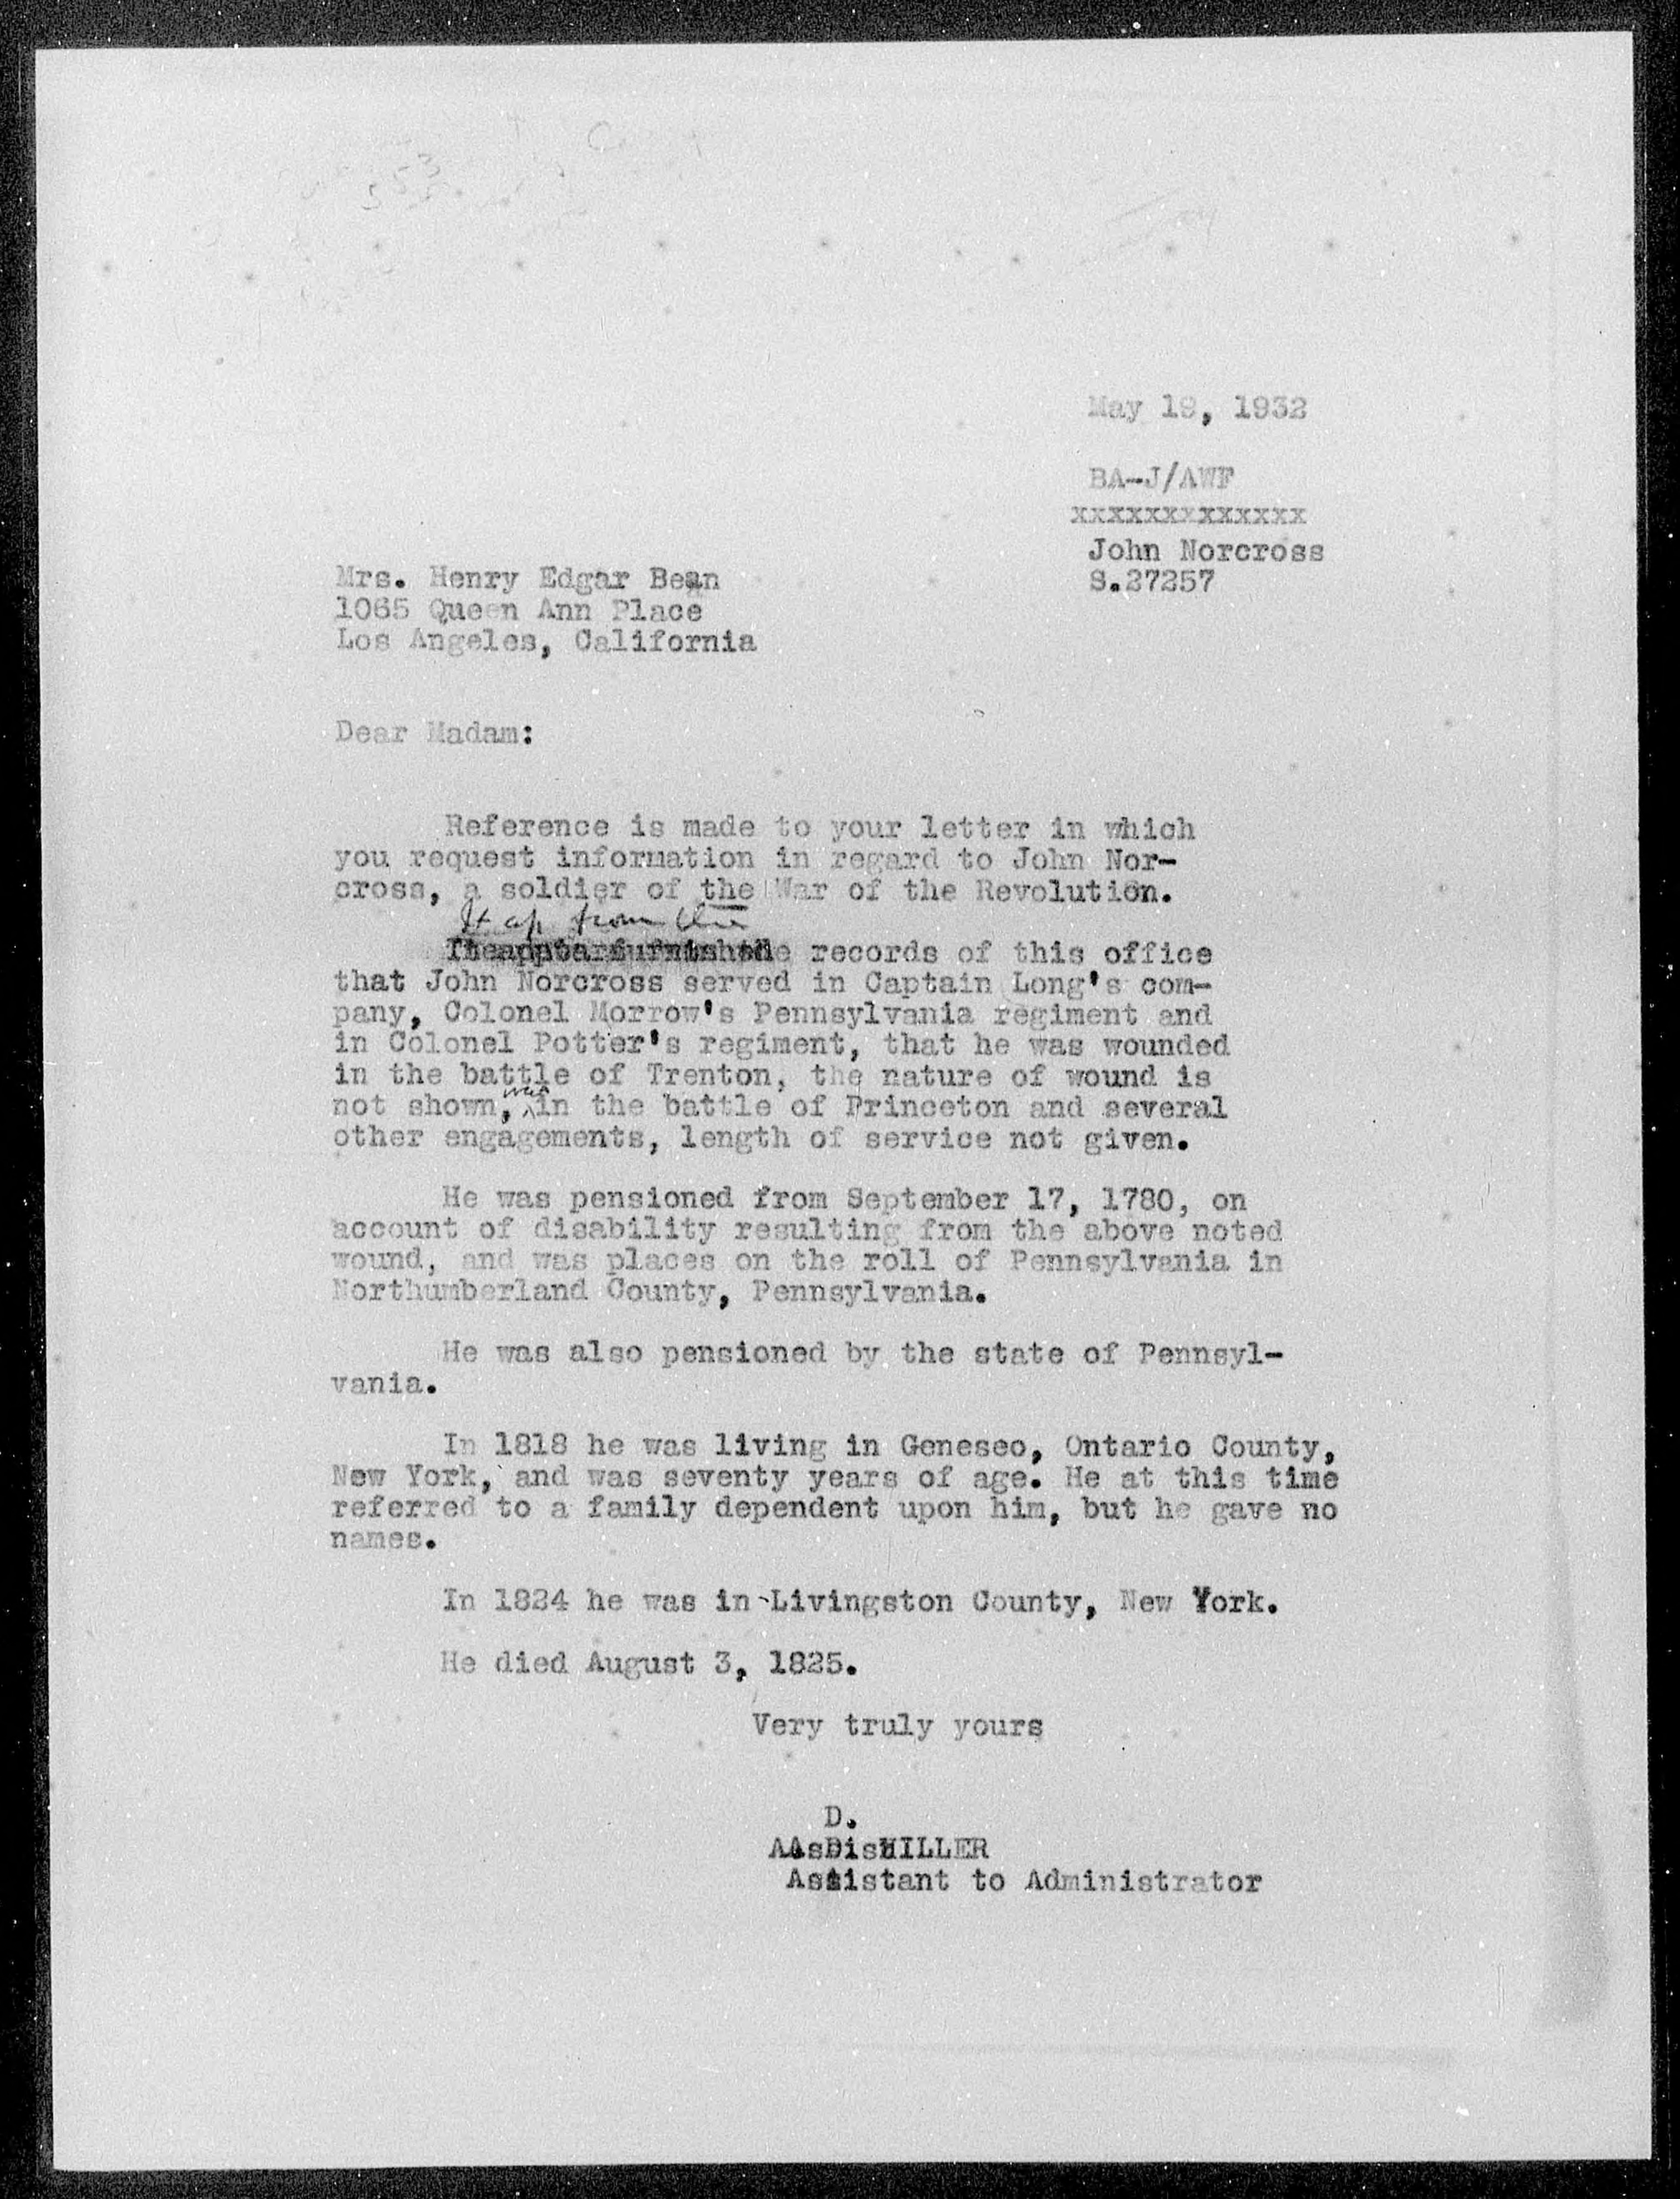May 19, 1932
BA-J/AWF
XXXXXXXXXXXX
John Norcross
S. 27257

Mrs. Henry Edgar Bean
1065 Queen Ann Place
Los Angeles, California

Dear Madam:

Reference is made to your letter in which
you request information in regard to John Norcross
, a soldier of the War of the Revolution.
to from one
It ap from the [typed text blacked out] records of this office that John Norcross served in Captain Long's company, Colonel Morrow's Pennsylvania regiment and
in Colonel Potter's regiment, that he was wounded in the battle of Trenton, the nature of wound is not shown, was in the battle of Princeton and several other engagements, length of service not given.
He was pensioned from September 17, 1780, on account of disability resulting from the above noted wound, and was places on the roll of Pennsylvania in
Northumberland County, Pennsylvania.
He was also pensioned by the state of Pennsylvania
.
In 1818 he was living in Geneseo, Ontario County,
New York, and was seventy years of age. He at this time
referred to a family dependent upon him, but he gave no names.
In 1824 he was in Livingston County, New York.
He died August 3, 1825.
Very truly yours
Do
AASBISHILLER
Assistant to Administrator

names: A D Hiller; John Norcross; Henry Edgar Bean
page: 9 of 23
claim: survivor's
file: S. 27257, for John Norcross, Pennsylvania